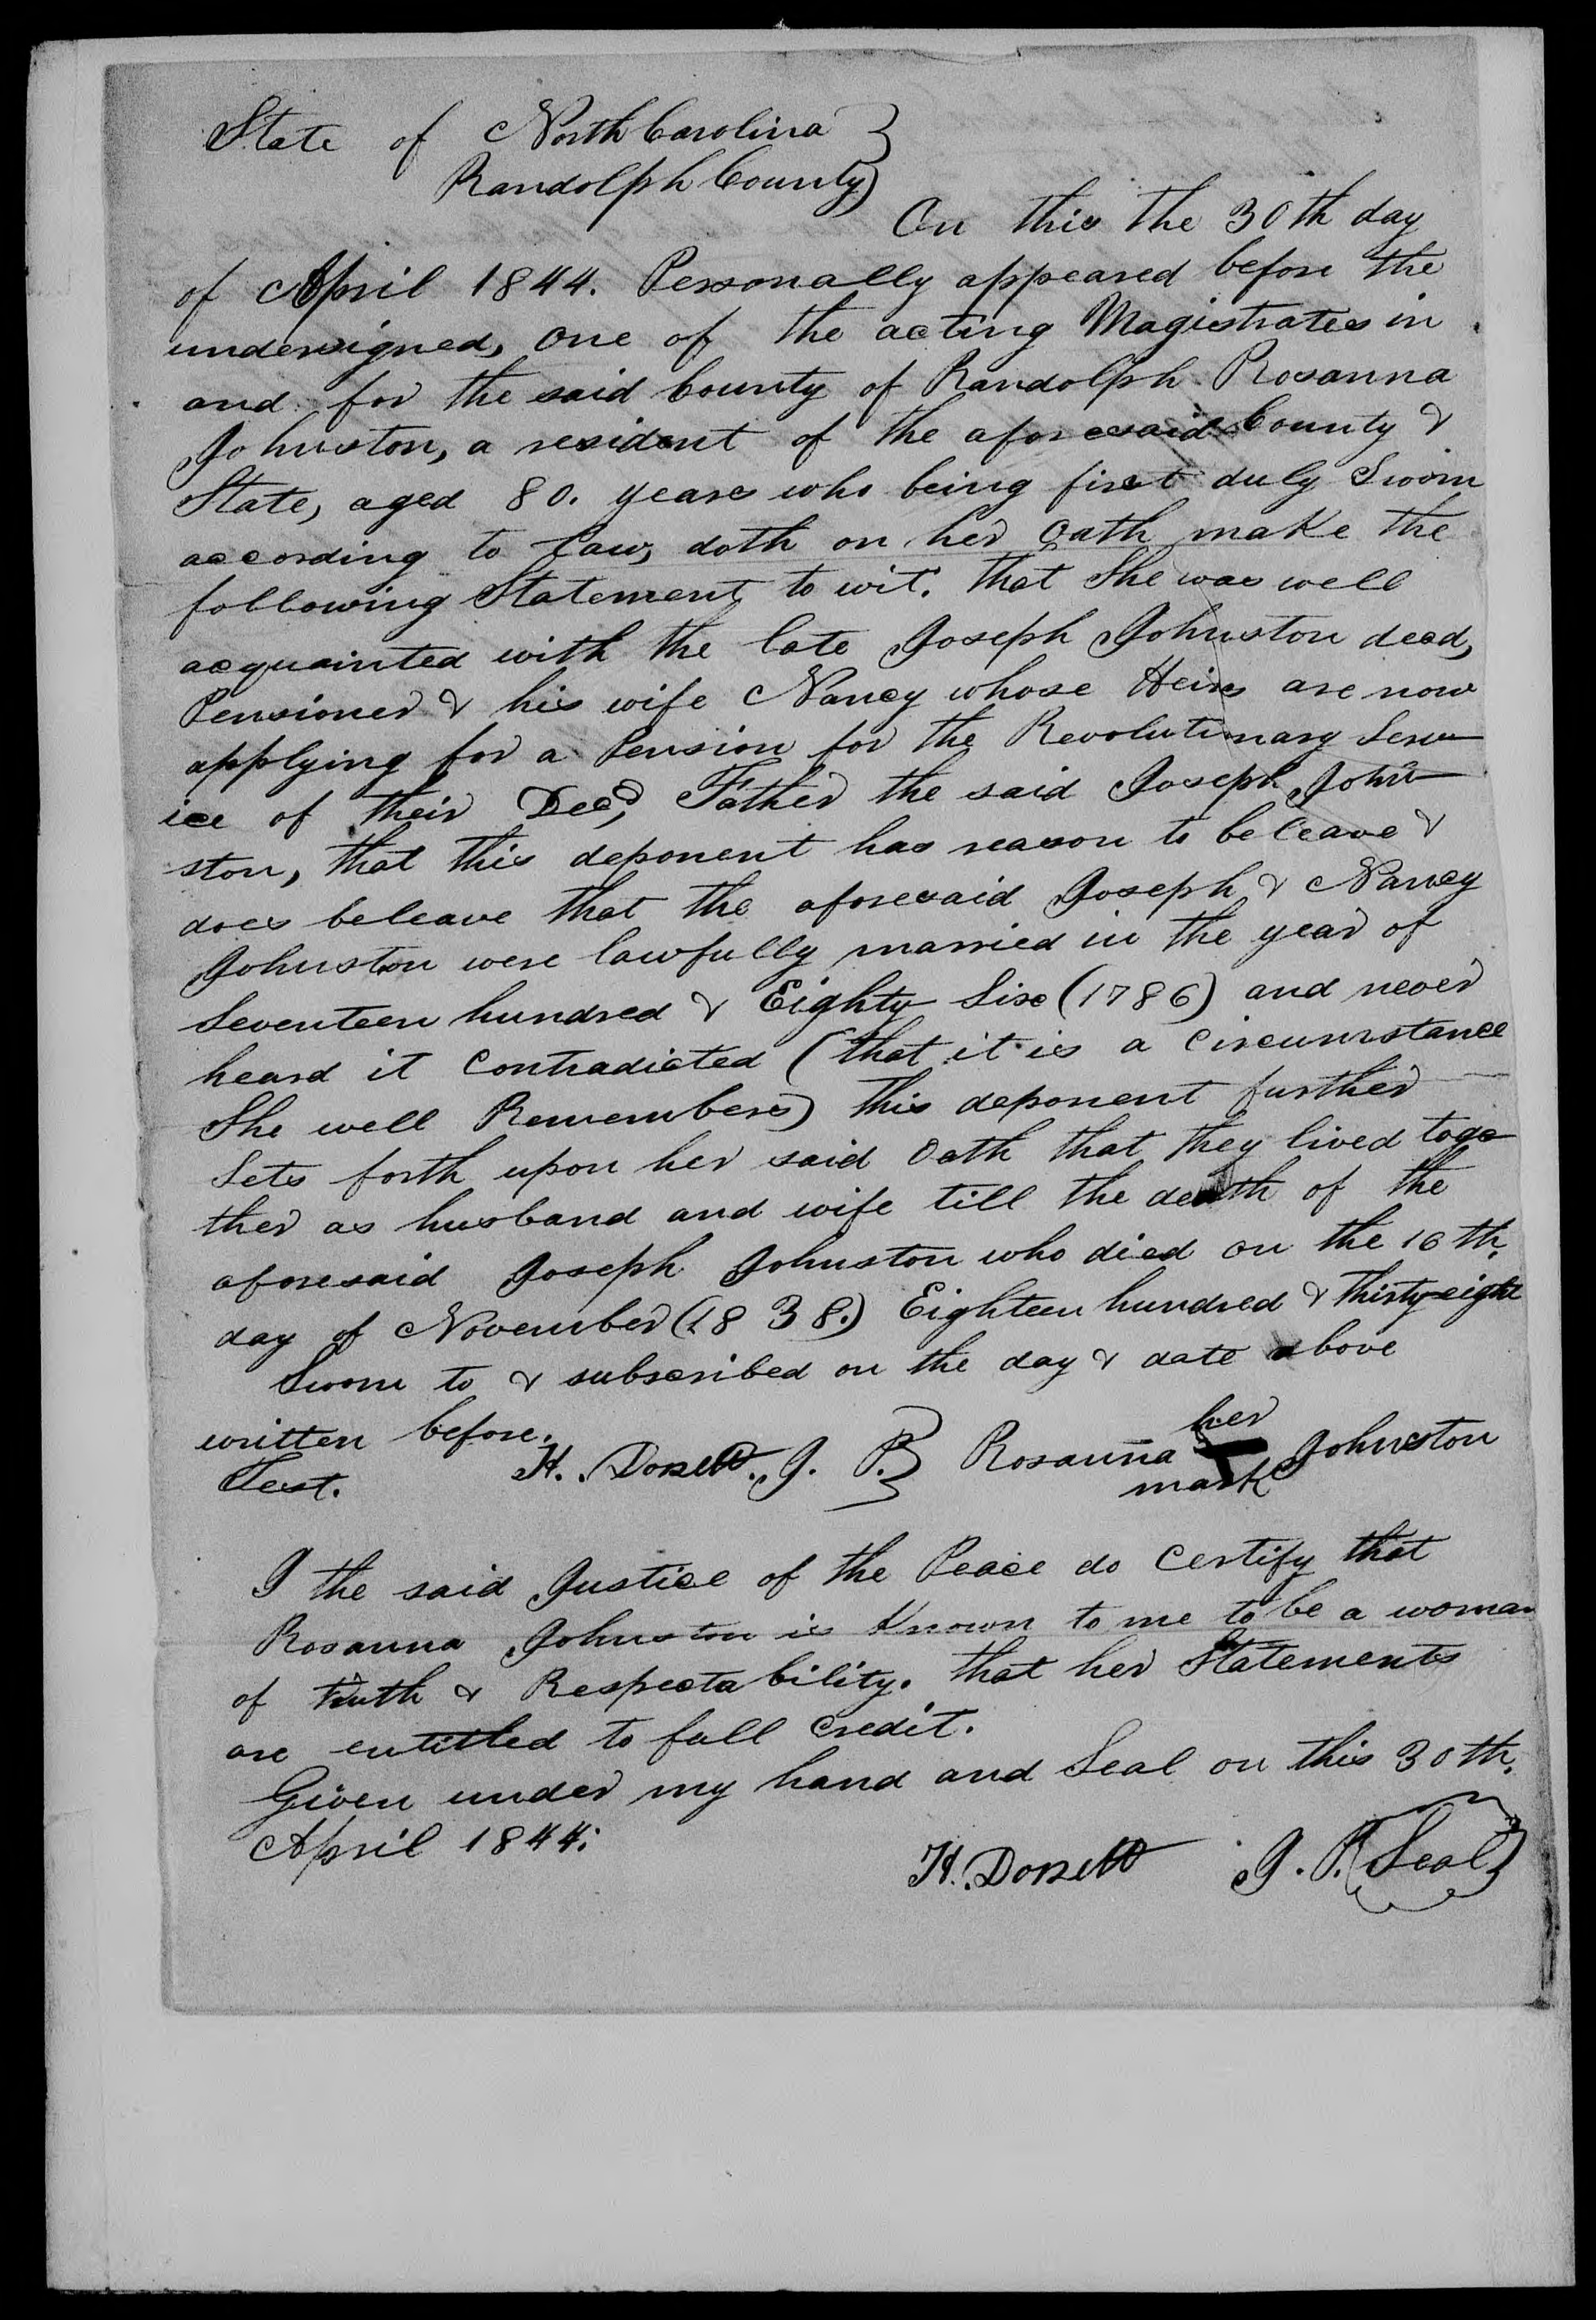State North Carolina} 
Randolph County} 
 State of North Carolina} 
Randolph County} 
On this the 30th day of April 1844. Personally appeared before the undersigned, one of the acting Magistrates in and for the said County of Randolph Rosanna Johnston, a resident of the aforesaid County & State, aged 80 years who being first duly sworn according to law, doth on her oath make the following statement to wit: That she was well acquainted with the late Joseph Johnston decd [deceased], Pensioner & his wife Nancy whose Heirs are now applying for a Pension for the Revolutionary service of their Decd [deceased] Father the said Joseph Johnston, that this deponent has reason to beleave [believe] & does believe that the aforesaid Joseph & Nancy Johnston were lawfully married in the year of Seventeen hundred & Eighty Six (1786) and never heard it contradicted (that it is a circumstance She well remembers) this deponent further sets forth upon her said oath that they lived together as husband and wife till the death of the aforesaid Joseph Johnston who died on the 16th day of November (1838) Eighteen hundred & thirty-eight 
Sworn to & subscribed on the day & date above written before 
H. Dorsett J. P.} Rosanna [her X mark] Johnston
Test

I the said Justice of the Peace do certify that Rosanna Johnston is known to me to be a woman of truth & Respectability. That her statements are entitled to full credit. 
Given under my hand and Seal on this 30th April 1844. 
H. Dorsett J. P. {Seal}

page: 18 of 41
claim: widow's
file: W. 5033, for Joseph Johnston, North Carolina